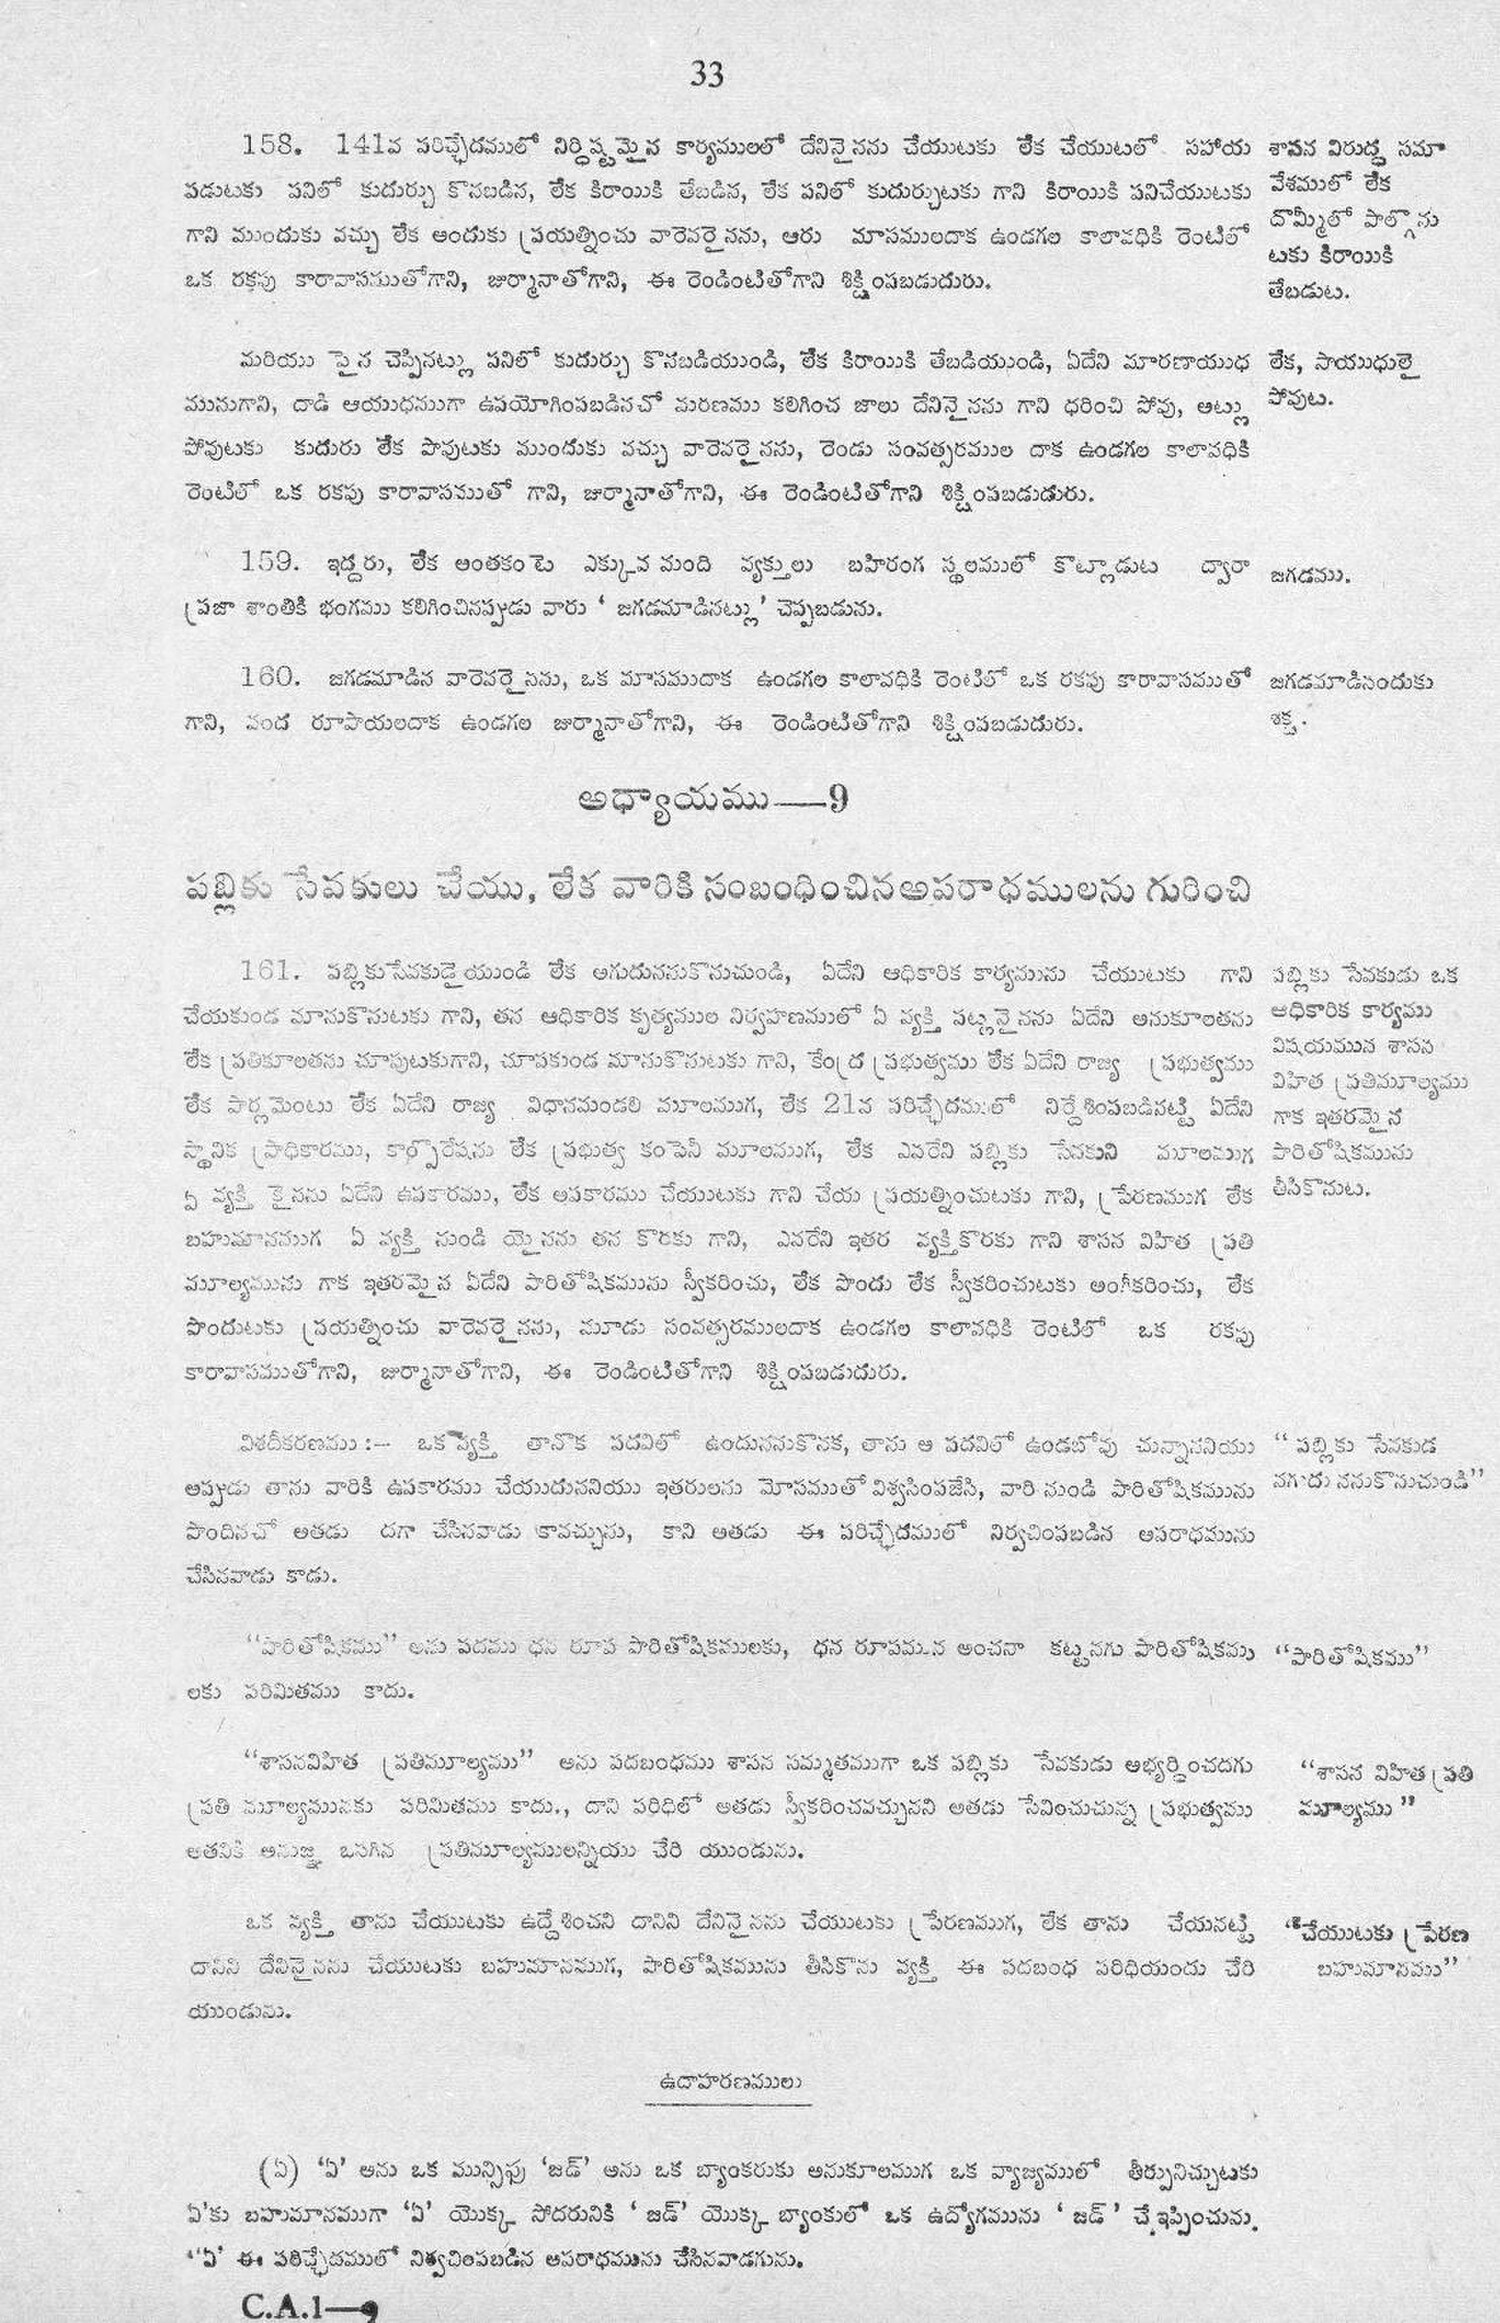శాసన విరుద్ధ సమావేశములో లేక దొమ్మీలో పాల్గొనుటకు కిరాయికి తేబడుట.

158. 141వ పరిచ్ఛేదములో నిర్దిష్టమైన కార్యములలో దేనినైనను చేయుటకు లేక చేయుటలో సహాయపడుటకు పనిలో కుదుర్చు కొనబడిన, లేక కిరాయికి తేబడిన, లేక పనిలో కుదుర్చుటకు గాని కిరాయికి పనిచేయుటకు గాని ముందుకు వచ్చు లేక ఆందుకు ప్రయత్నించు వారెవరైనను, ఆరు మాసములదాక ఉండగల కాలావధికి రెంటిలో ఒక రకపు కారావాసముతో గాని, జుర్మానాతోగాని, ఈ రెండింటితోగాని శిక్షింపబడుదురు.

లేక, సాయుధులై పోవుట.

మరియు పైన చెప్పినట్లు పనిలో కుదుర్చు కొనబడియుండి, లేక కిరాయికి తేబడియుండి, ఏదేని మారణాయుధమును గాని, దాడి ఆయుధముగా ఉపయోగింపబడినచో మరణము కలిగించ జాలు దేనినైనను గాని ధరించి పోవు, ఆట్లు
పోవుటకు కుదురు లేక పొవుటకు ముందుకు వచ్చు వారెవరైనను, రెండు సంవత్సరముల దాక ఉండగల కాలావధికి
రెంటిలో ఒక రకపు కారావాసముతో గాని, జుర్మానాతోగాని, ఈ రెండింటితోగాని శిక్షింపబడుడురు.

జగడము.

159. ఇద్దరు, లేక అంతకంటే ఎక్కువ మంది వ్యక్తులు బహిరంగ స్థలములో కొట్లాడుట ద్వారా ప్రజా శాంతికి భంగము కలిగించినప్పుడు వారు ' జగడమాడినట్లు ' చెప్పబడును.

జగడమాడినందుకు శిక్ష.

160. జగడమాడిన వారెవరైనను, ఒక మాసముదాక ఉండగల కాలావధికి రెంటిలో ఒక రకపు కారావాసముతో గాని, వంద రూపాయలదాక ఉండగల జుర్మానాతోగాని, ఈ రెండింటితోగాని శిక్షింపబడుదురు.

పబ్లికు సేవకుడు ఒక అధికారిక కార్యము విషయమున శాసన విహిత ప్రతిమూల్యము గాక ఇతరమైన పారితోషికమును
తీసికొనుట.

161. పబ్లికు సేవకుడై యుండి లేక అగుదుననుకొనుచుండి, ఏదేని ఆధికారిక కార్యమును చేయుటకు గాని చేయకుండ మానుకొనుటకు గాని, తన ఆధికారిక కృత్యముల నిర్వహణములో ఏ వ్యక్తి పట్ల నైనను ఏదేని అనుకూలతను లేక ప్రతికూలతను చూపుటకుగాని, చూపకుండ మానుకొనుటకు గాని, కేంద్ర ప్రభుత్వము లేక ఏదేని రాజ్య ప్రభుత్వము లేక పార్లమెంటు లేక ఏదేని రాజ్య, విధానమండలి మూలముగ, లేక 21వ పరిచ్ఛేదము లో నిర్దేశింపబడినట్టి ఏదేని స్థానిక ప్రాధికారము, కార్పొరేషను లేక ప్రభుత్వ కంపెనీ మూలముగ, లేక ఎవరేని పబ్లికు సేవకుని మూలముగ ఏ వ్యక్తి కైనను ఏదేని ఉపకారము, లేక అపకారము చేయుటకు గాని చేయ ప్రయత్నించుటకు గాని, ప్రేరణముగ లేక బహుమానముగ ఏ వ్యక్తి నుండి యైనను తన కొరకు గాని, ఎనలేని ఇతర వ్యక్తి కొరకు గాని శాసన విహిత ప్రతి మూల్యమును గాక ఇతరమైన ఏదేని పారితోషికమును స్వీకరించు, లేక పొందు లేక స్వీకరించుటకు అంగీకరించు, లేక పొందుటకు ప్రయత్నించు వారెవరైనను, మూడు సంవత్సరములదాక ఉండగల కాలావధికి రెంటిలో ఒక రకపు కారావాసముతో గాని, జుర్మానాతోగాని, ఈ రెండింటితోగాని శిక్షింపబడుదురు.

"పబ్లికు సేనకుడ నగదు ననుకొనుచుండి"

విశదీకరణము :-- ఒక వ్యక్తి తానొక పదవిలో ఉందుననుకొనక, తాను ఆ పదవిలో ఉండబోవు చున్నాననియు 
అప్పుడు తాను వారికి ఉపకారము చేయుదుననియు ఇతరులను మోసముతో విశ్వసింపజేసి, వారి నుండి పారితోషికమును పొందినచో అతడు దగా చేసినవాడు కావచ్చును, కాని అతడు ఈ పరిచ్ఛేదములో నిర్వచింపబడిన ఆసరాధమును చేసినవాడు కాడు.

"పారితోషికము"

“పారితోషికము" అను పదము ధన రూప పారితోషికములకు, ధన రూపమున అంచనా కట్టనగు పారితోషికములకు పరిమితము కాదు.

శాసన విహిత ప్రతి మూల్యము

శాసనవిహిత ప్రతిమూల్యము " అను పదబంధము శాసన సమ్మతముగా ఒక పబ్లికు సేవకుడు అభ్యర్థించదగు ప్రతి మూల్యమునకు పరిమితము కాదు. దాని పరిధిలో అతడు స్వీకరించవచ్చునని అతడు సేవించుచున్న ప్రభుత్వము
అతనికి అనుజ్జ ఒసగిన ప్రతిమూల్యములన్నియు చేరి యుండును.

"చేయుటకు ప్రేరణ బహుమానము"

ఒక వ్యక్తి తాను చేయుటకు ఉద్దేశించని దానిని దేనినైనను చేయుటకు ప్రేరణముగ, లేక తాసు చేయనట్టి దానిని దేనినై నను చేయుటకు బహుమానముగ, పారితోషికమును తీసికొను వ్యక్తి ఈ పదబంధ పరిధియందుచేరి యుండును.

(ఏ)'ఏ' అను ఒక మున్సిఫు 'జడ్' అను ఒక బ్యాంకరుకు అనుకూలముగ ఒక వ్యాజ్యములో తీర్పునిచ్చుటకు
ఏ'కు బహుమానముగా 'ఏ' యొక్క సోదరునికి ' జడ్' యొక్క బ్యాంకులో ఒక ఉద్యోగమును ' జడ్' చే ఇప్పించును.'ఏ' ఈ పరిచ్ఛేదములో నిర్వచింపబడిన అపరాధమును చేసినవాడగును,